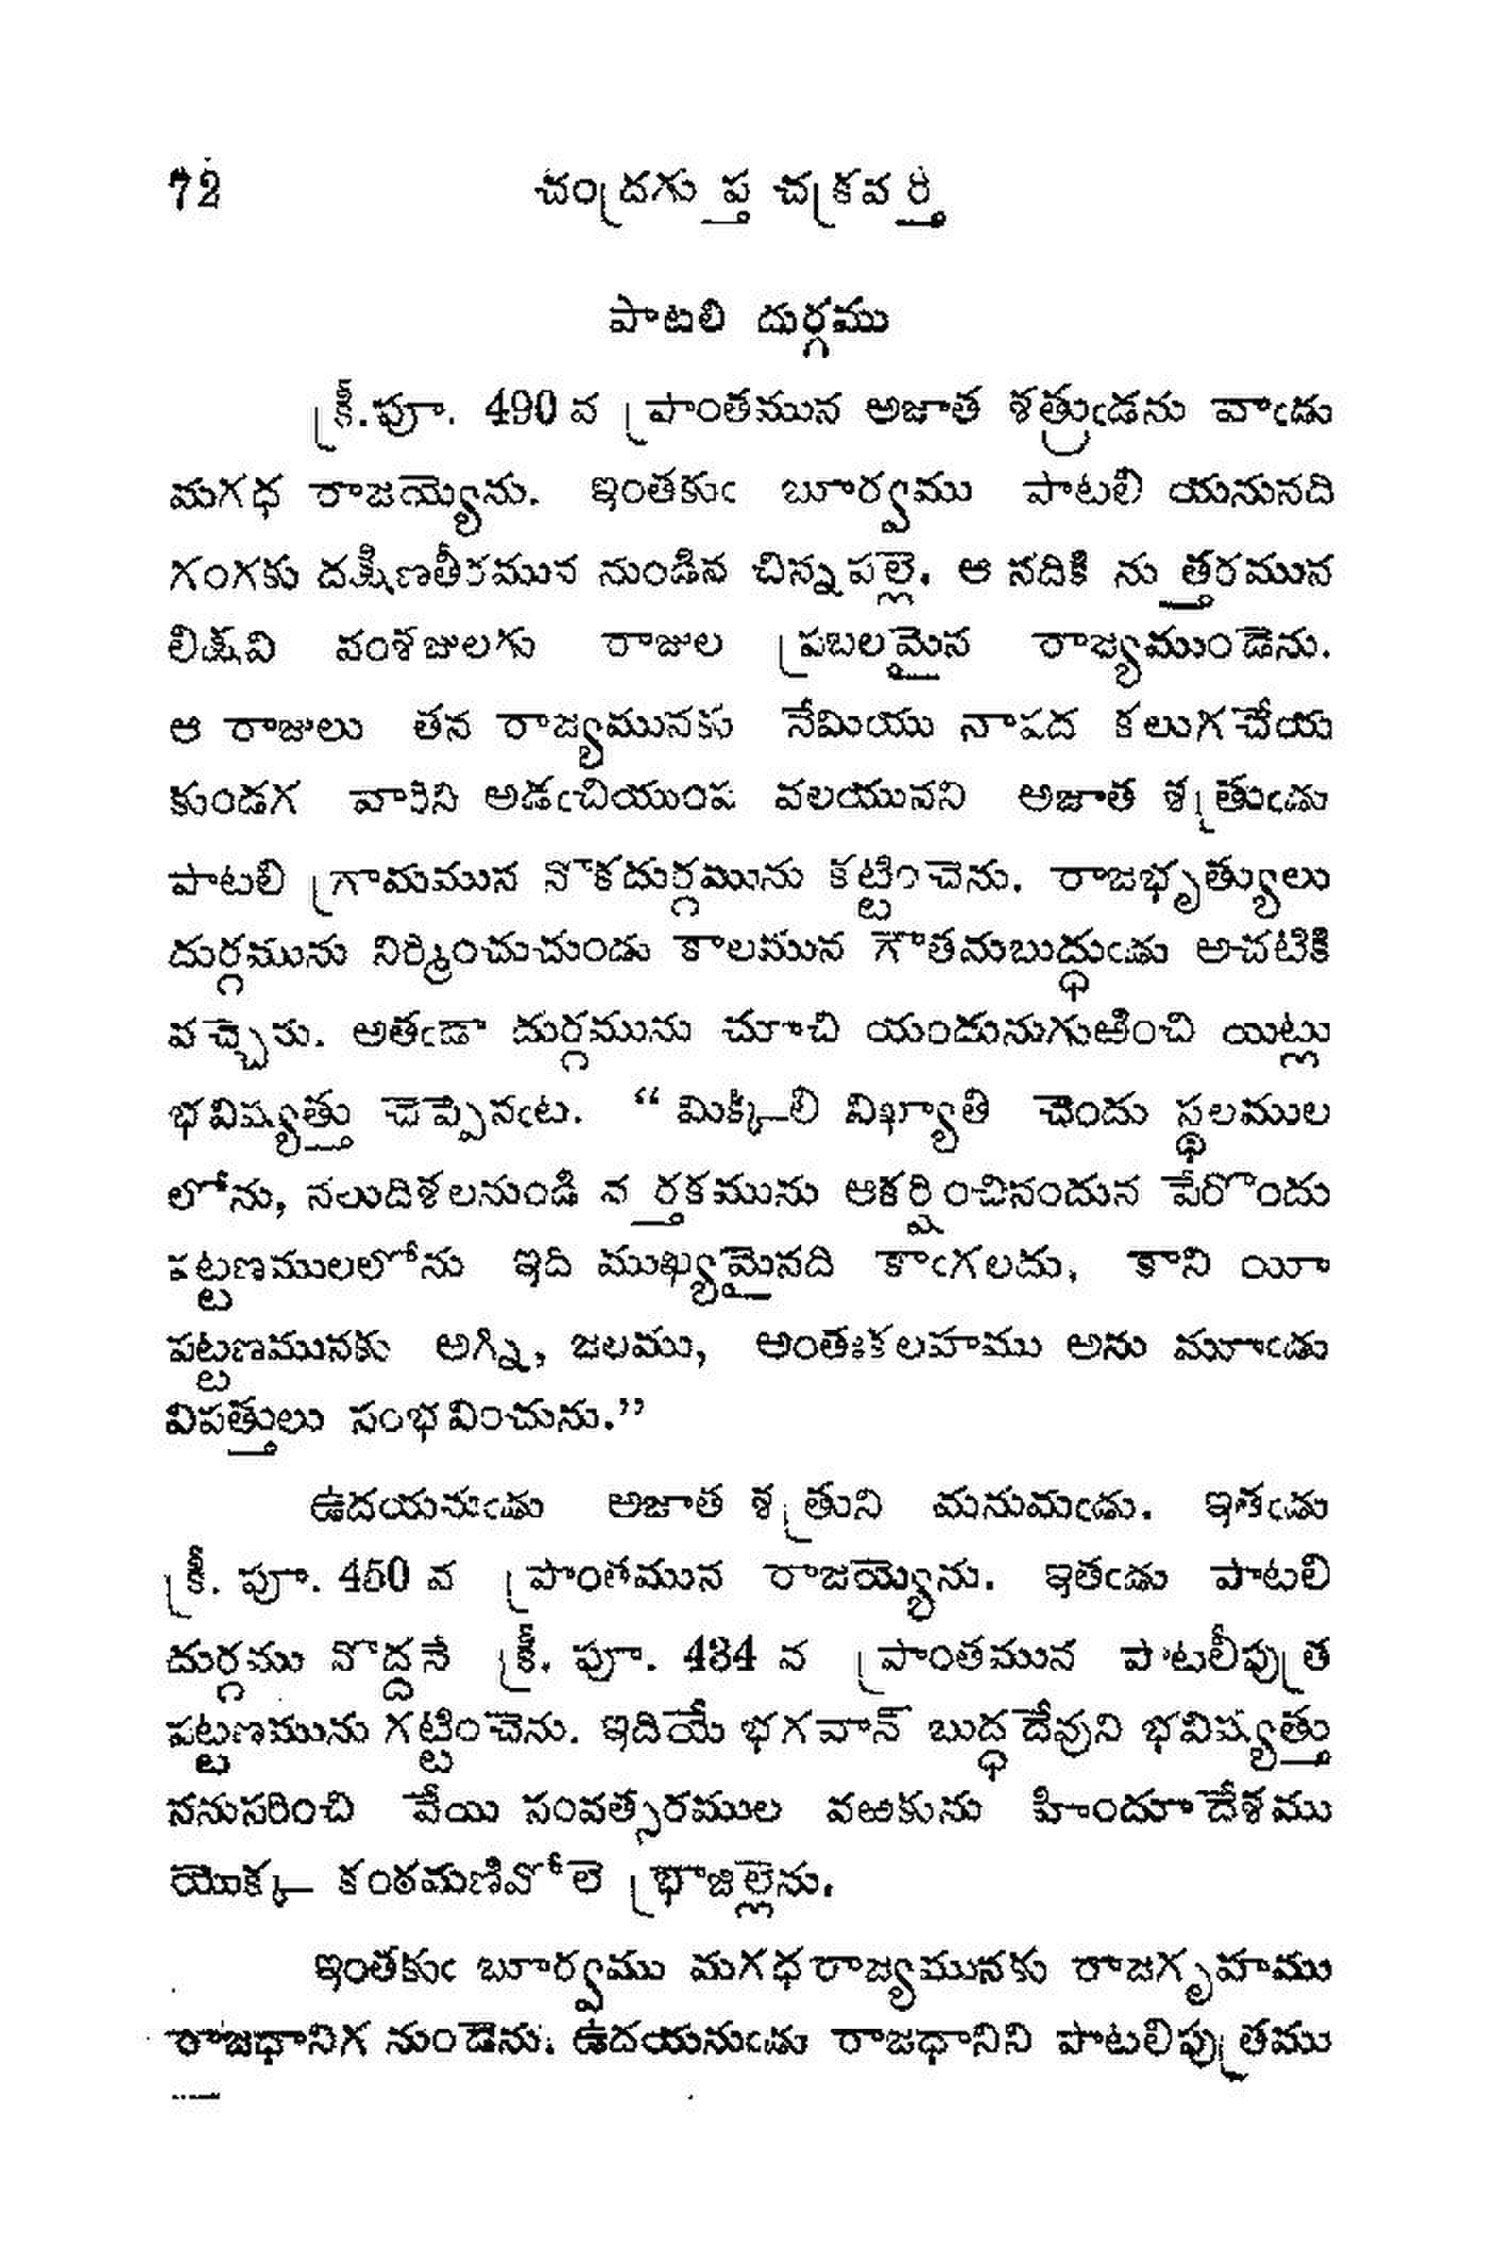పాటలి దుర్గము 

క్రీ. పూ. 490 వ ప్రాంతమున అజాత శత్రుఁడను వాఁడు మగధ రాజయ్యెను. ఇంతకుఁ బూర్వము పాటలి యనునది గంగకు దక్షిణతీరమున నుండిన చిన్నపల్లె. ఆ నదికి నుత్తరమున లిక్షవి వంశజులగు రాజుల ప్రబలమైన రాజ్యముండెను. ఆ రాజులు తన రాజ్యమునకు నేమియు నాపద కలుగచేయ కుండగ వారిని అడఁచియుంప వలయునని అజాత శత్రుఁడు పాటలి గ్రామమున నొకదుర్గమును కట్టించెను. రాజభృత్యులు దుర్గమును నిర్మించుచుండు కాలమున గౌతమబుద్ధుఁడు అచటికి వచ్చెను. అతఁడా దుర్గమును చూచి యందునుగుఱించి యిట్లు భవిష్యత్తు చెప్పెనఁట. "మిక్కిలి విఖ్యాతి చెందు స్థలములలోను, నలుదిశలనుండి వర్తకమును ఆకర్షించినందున పేరొందు పట్టణములలోను ఇది ముఖ్యమైనది కాఁగలదు, కాని యీ పట్టణమునకు అగ్ని, జలము, అంతఃకలహము అను మూఁడు విపత్తులు సంభవించును.”

ఉదయనుఁడు అజాత శత్రుని మనుమఁడు. ఇతఁడు కీ. పూ. 450 వ ప్రాంతమున రాజయ్యెను. ఇతఁడు పాటలి దుర్గము నొద్దనే క్రీ. పూ. 434 వ ప్రాంతమున పాటలీపుత్ర పట్టణమును గట్టించెను. ఇదియే భగవాన్ బుద్ధదేవుని భవిష్యత్తు ననుసరించి వేయి సంవత్సరముల వఱకును హిందూదేశము యొక్క కంఠమణివోలె భ్రాజిల్లెను.

ఇంతకుఁ బూర్వము మగధ రాజ్యమునకు రాజగృహము రాజధానిగ నుండెను. ఉదయనుఁడు రాజధానిని పాటలిపుత్రము